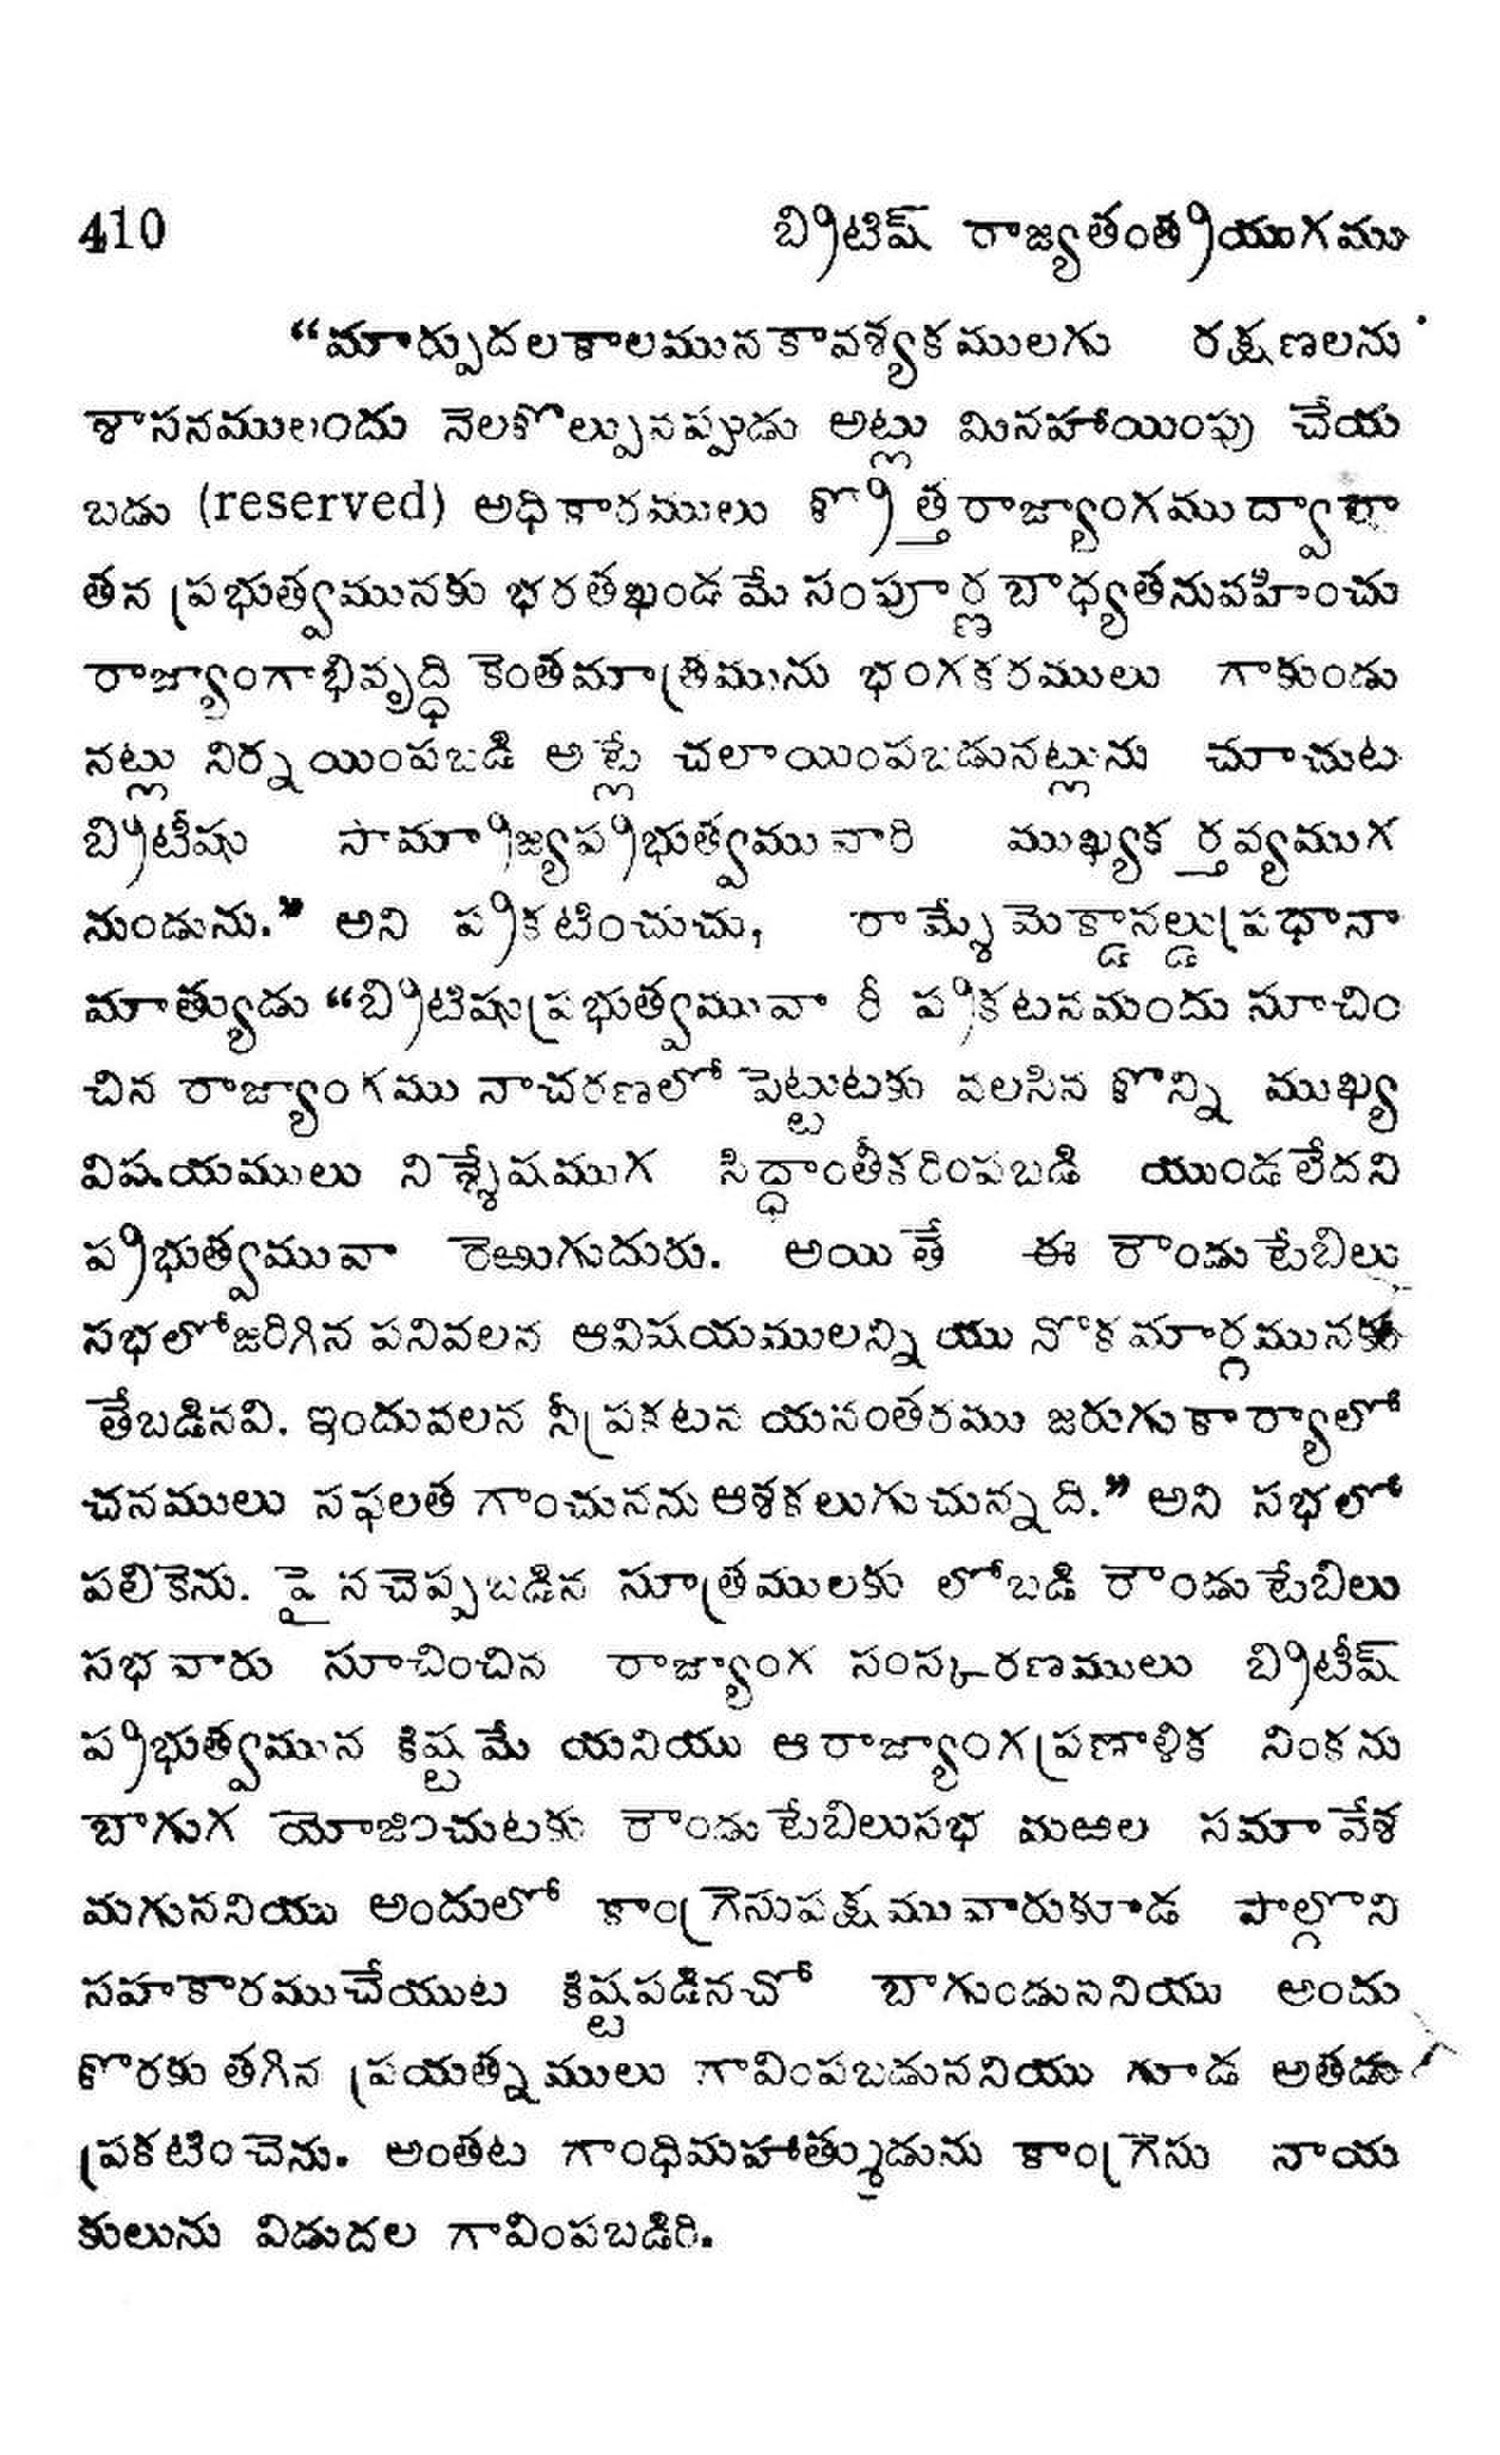“మార్పుదలకాలమునకావశ్యకములగు రక్షణలను శాసనములందు నెలకొల్పునప్పుడు అట్లు మినహాయింపు చేయబడు (reserved) అధికారములు క్రొత్తరాజ్యాంగముద్వారా తన ప్రభుత్వమునకు భరతఖండమే సంపూర్ణ బాధ్యతను వహించు రాజ్యాంగాభివృద్ధి కెంతమాత్రమును భంగకరములు గాకుండునట్లు నిర్నయింపబడి అట్లే చలాయింప బడునట్లును చూచుట బ్రిటీషు సామ్రాజ్యప్రభుత్వమువారి ముఖ్యకర్తవ్యముగ నుండును." అని ప్రకటించుచు, రామ్శేమెకానల్డు ప్రధానామాత్యుడు “బ్రిటిషుప్రభుత్వమువా రీ ప్రకటనమందు సూచించిన రాజ్యాంగము నాచరణలో పెట్టుటకు వలసిన కొన్ని ముఖ్య విషయములు నిశ్శేషముగ సిద్ధాంతీకరింపబడి యుండలేదని ప్రభుత్వమువా రెఱుగుదురు. అయితే ఈ రౌండుటేబిలు సభలోజరిగిన పనివలన ఆవిషయములన్నియు నొక మార్గమునకు తేబడినవి. ఇందువలన నీప్రకటన యనంతరము జరుగుకార్యాలోచనములు సఫలత గాంచునను ఆశకలుగుచున్నది.” అని సభలో పలికెను. పైనచెప్పబడిన సూత్రములకు లోబడి రౌండుటేబిలు సభవారు సూచించిన రాజ్యాంగ సంస్కరణములు బ్రిటీష్ ప్రభుత్వమున కిష్టమే యనియు ఆరాజ్యాంగప్రణాళిక నింకను బాగుగ యోజించుటకు రౌండుటేబిలుసభ మఱల సమావేశ మగుననియు అందులో కాంగ్రెసుపక్షమువారుకూడ పాల్గొని సహకారముచేయుట కిష్టపడినచో బాగుండుననియు అందు కొరకు తగిన ప్రయత్నములు గావింపబడుననియు గూడ అతడు ప్రకటించెను. అంతట గాంధిమహాత్ముడును కాంగ్రెసు నాయకులును విడుదల గావింపబడిరి.